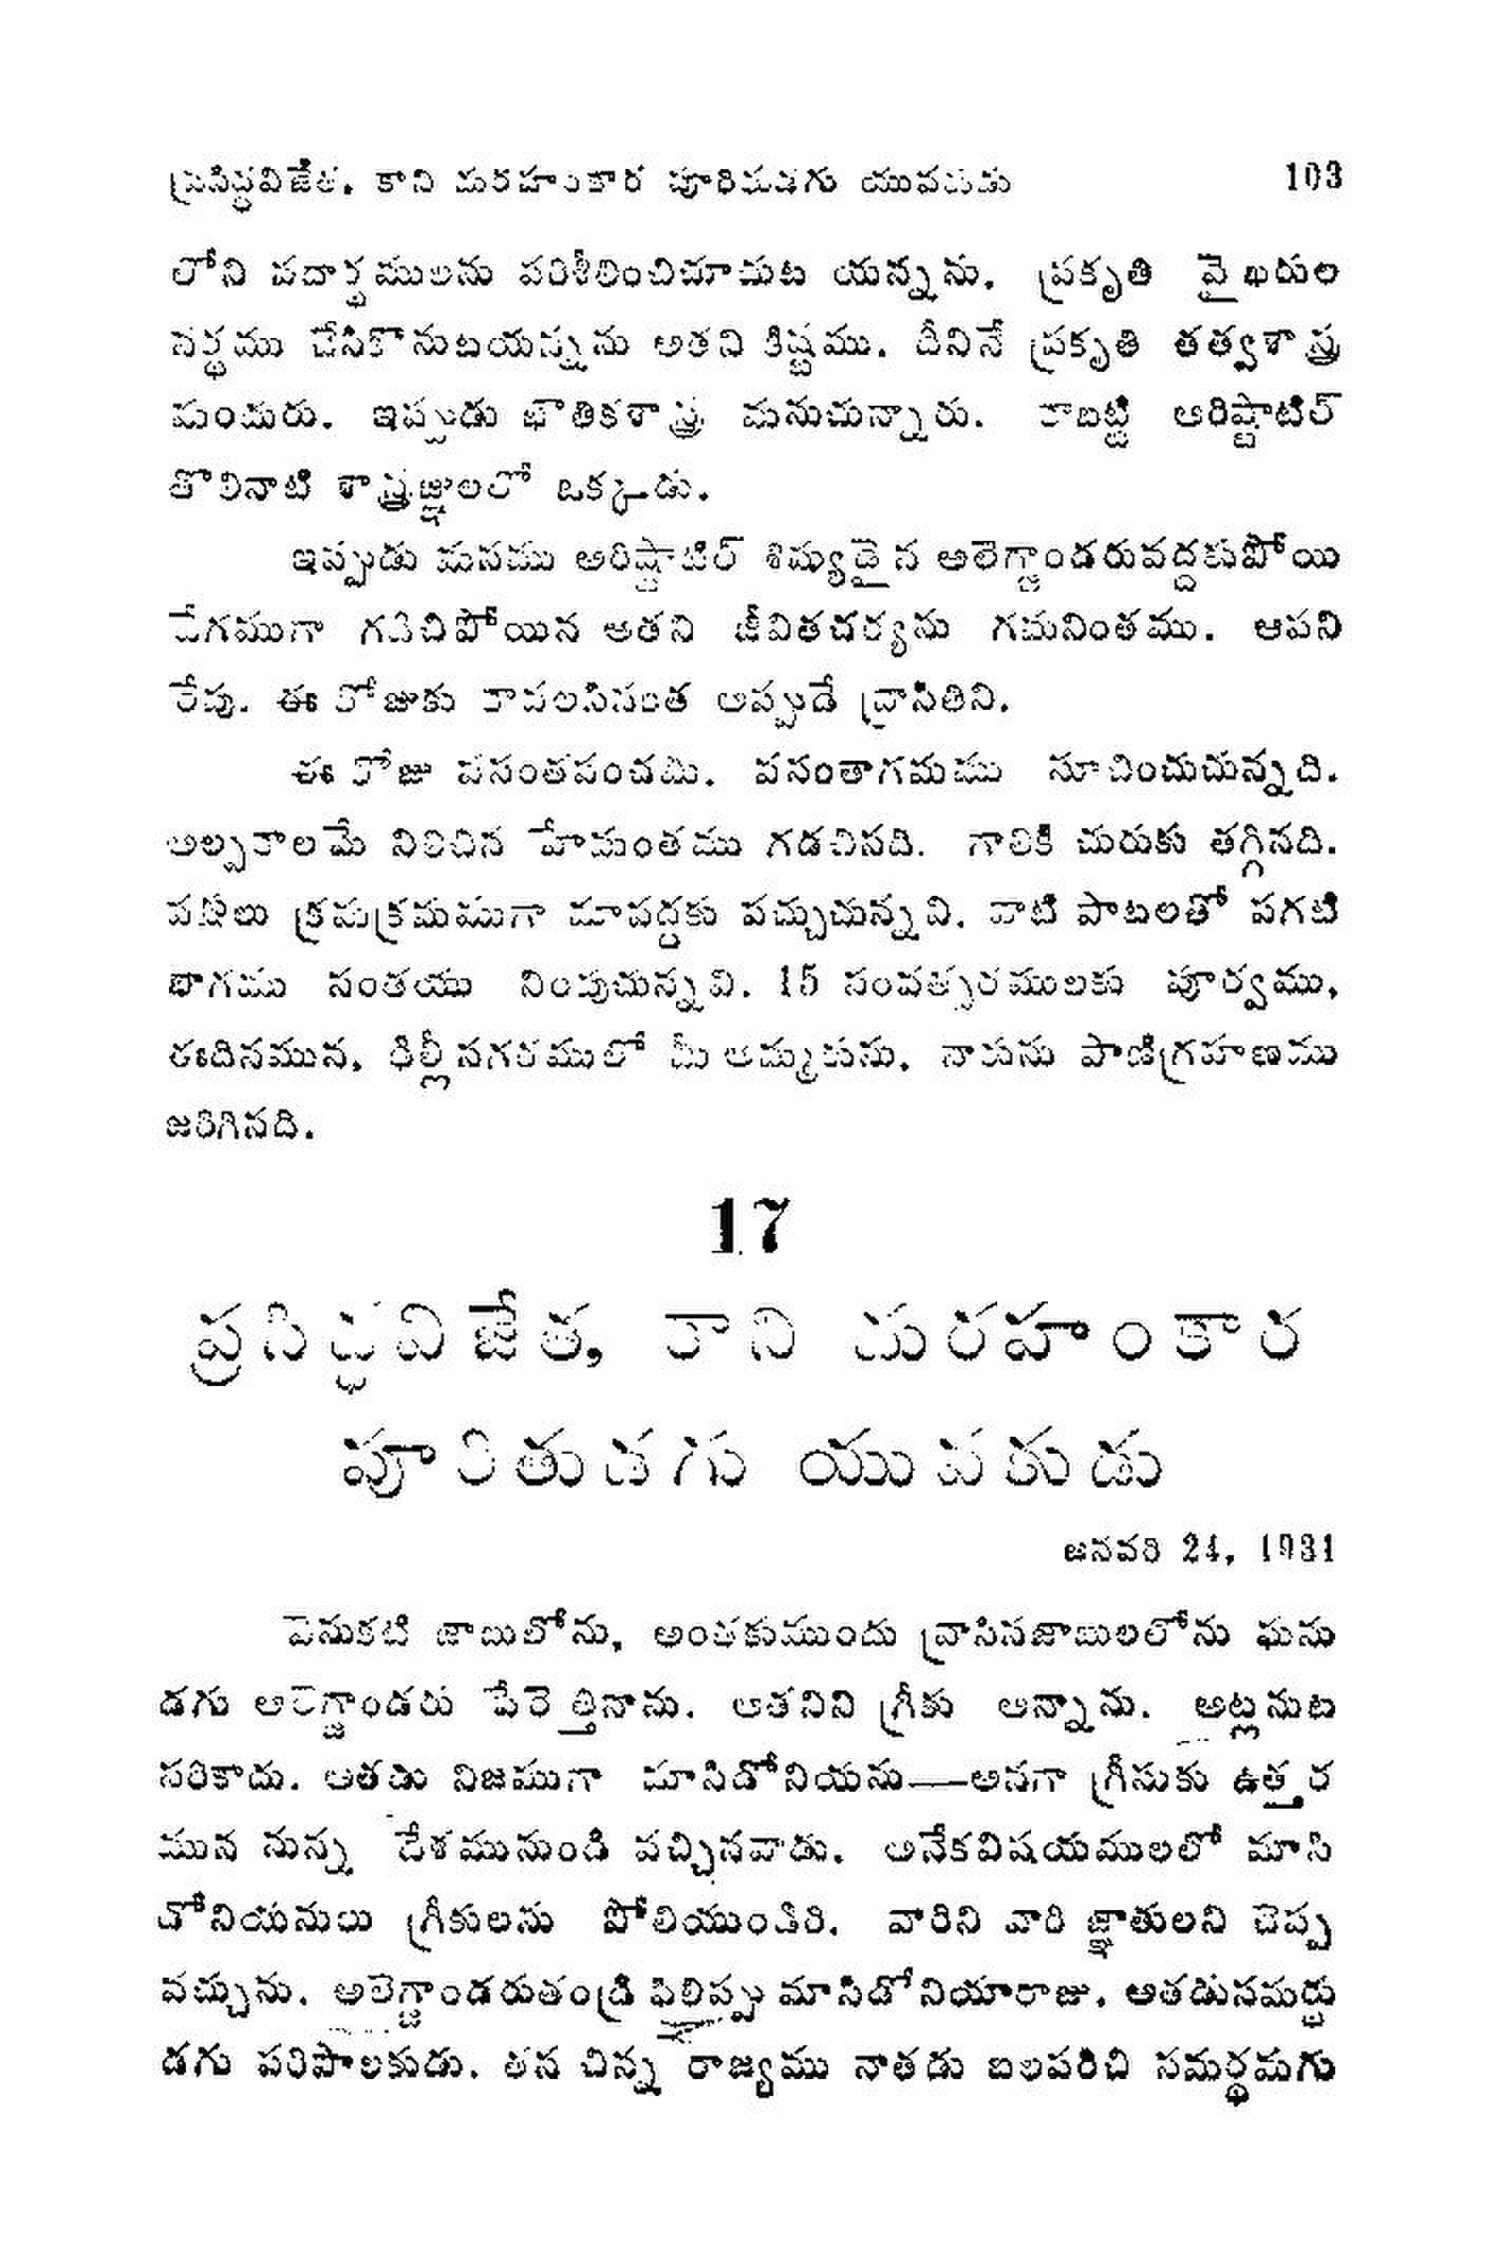లోని పదార్థములను పరిశీలించిచూచుట యన్నను, ప్రకృతి వైఖరుల నర్థము చేసికొనుటయన్నను అతని కిష్టము. దీనినే ప్రకృతి తత్వశాస్త్ర మందురు. ఇప్పుడు భౌతికశాస్త్ర మనుచున్నారు. కాబట్టి అరిష్టాటిల్ తొలినాటి శాస్త్రజ్ఞులలో ఒక్కడు.

ఇప్పుడు మనము అరిష్టాటిల్ శిష్యుడైన అలెగ్జాండరువద్దకుపోయి వేగముగా గడిచిపోయిన అతని జీవితచర్యను గమనింతము. ఆపని రేపు. ఈ రోజుకు కావలసినంత అప్పుడే వ్రాసితిని.

ఈ రోజు వసంతపంచమి. వసంతాగమము సూచించుచున్నది. అల్పకాలమే నిలిచిన హేమంతము గడచినది. గాలికి చురుకు తగ్గినది. పక్షులు క్రమక్రమముగా మావద్దకు వచ్చుచున్నవి. వాటి పాటలతో పగటి భాగము నంతయు నింపుచున్నవి. 15 సంవత్సరములకు పూర్వము, ఈదినమున, ఢిల్లీ నగరములో మీ అమ్మకును, నాకును పాణిగ్రహణము జరిగినది.

17
ప్రసిద్ధవిజేత, కాని దురహంకార పూరితుడగు యువకుడు

వెనుకటి జాబులోను, అంతకుముందు వ్రాసినజాబులలోను ఘనుడగు అలెగ్జాండరు పేరెత్తినాను. అతనిని గ్రీకు అన్నాను. అట్లనుట సరికాదు. అతడు నిజముగా మాసిడోనియను - అనగా గ్రీసుకు ఉత్తరమున నున్న దేశమునుండి వచ్చినవాడు. అనేకవిషయములలో మాసిడోనియనులు గ్రీకులను పోలియుండిరి. వారిని వారి జ్ఞాతులని చెప్పవచ్చును. అలెగ్జాండరుతండ్రి ఫిలిప్పు మాసిడోనియారాజు. అతడుసమర్థుడగు పరిపాలకుడు. తన చిన్న రాజ్యము నాతడు బలపరిచి సమర్థమగు